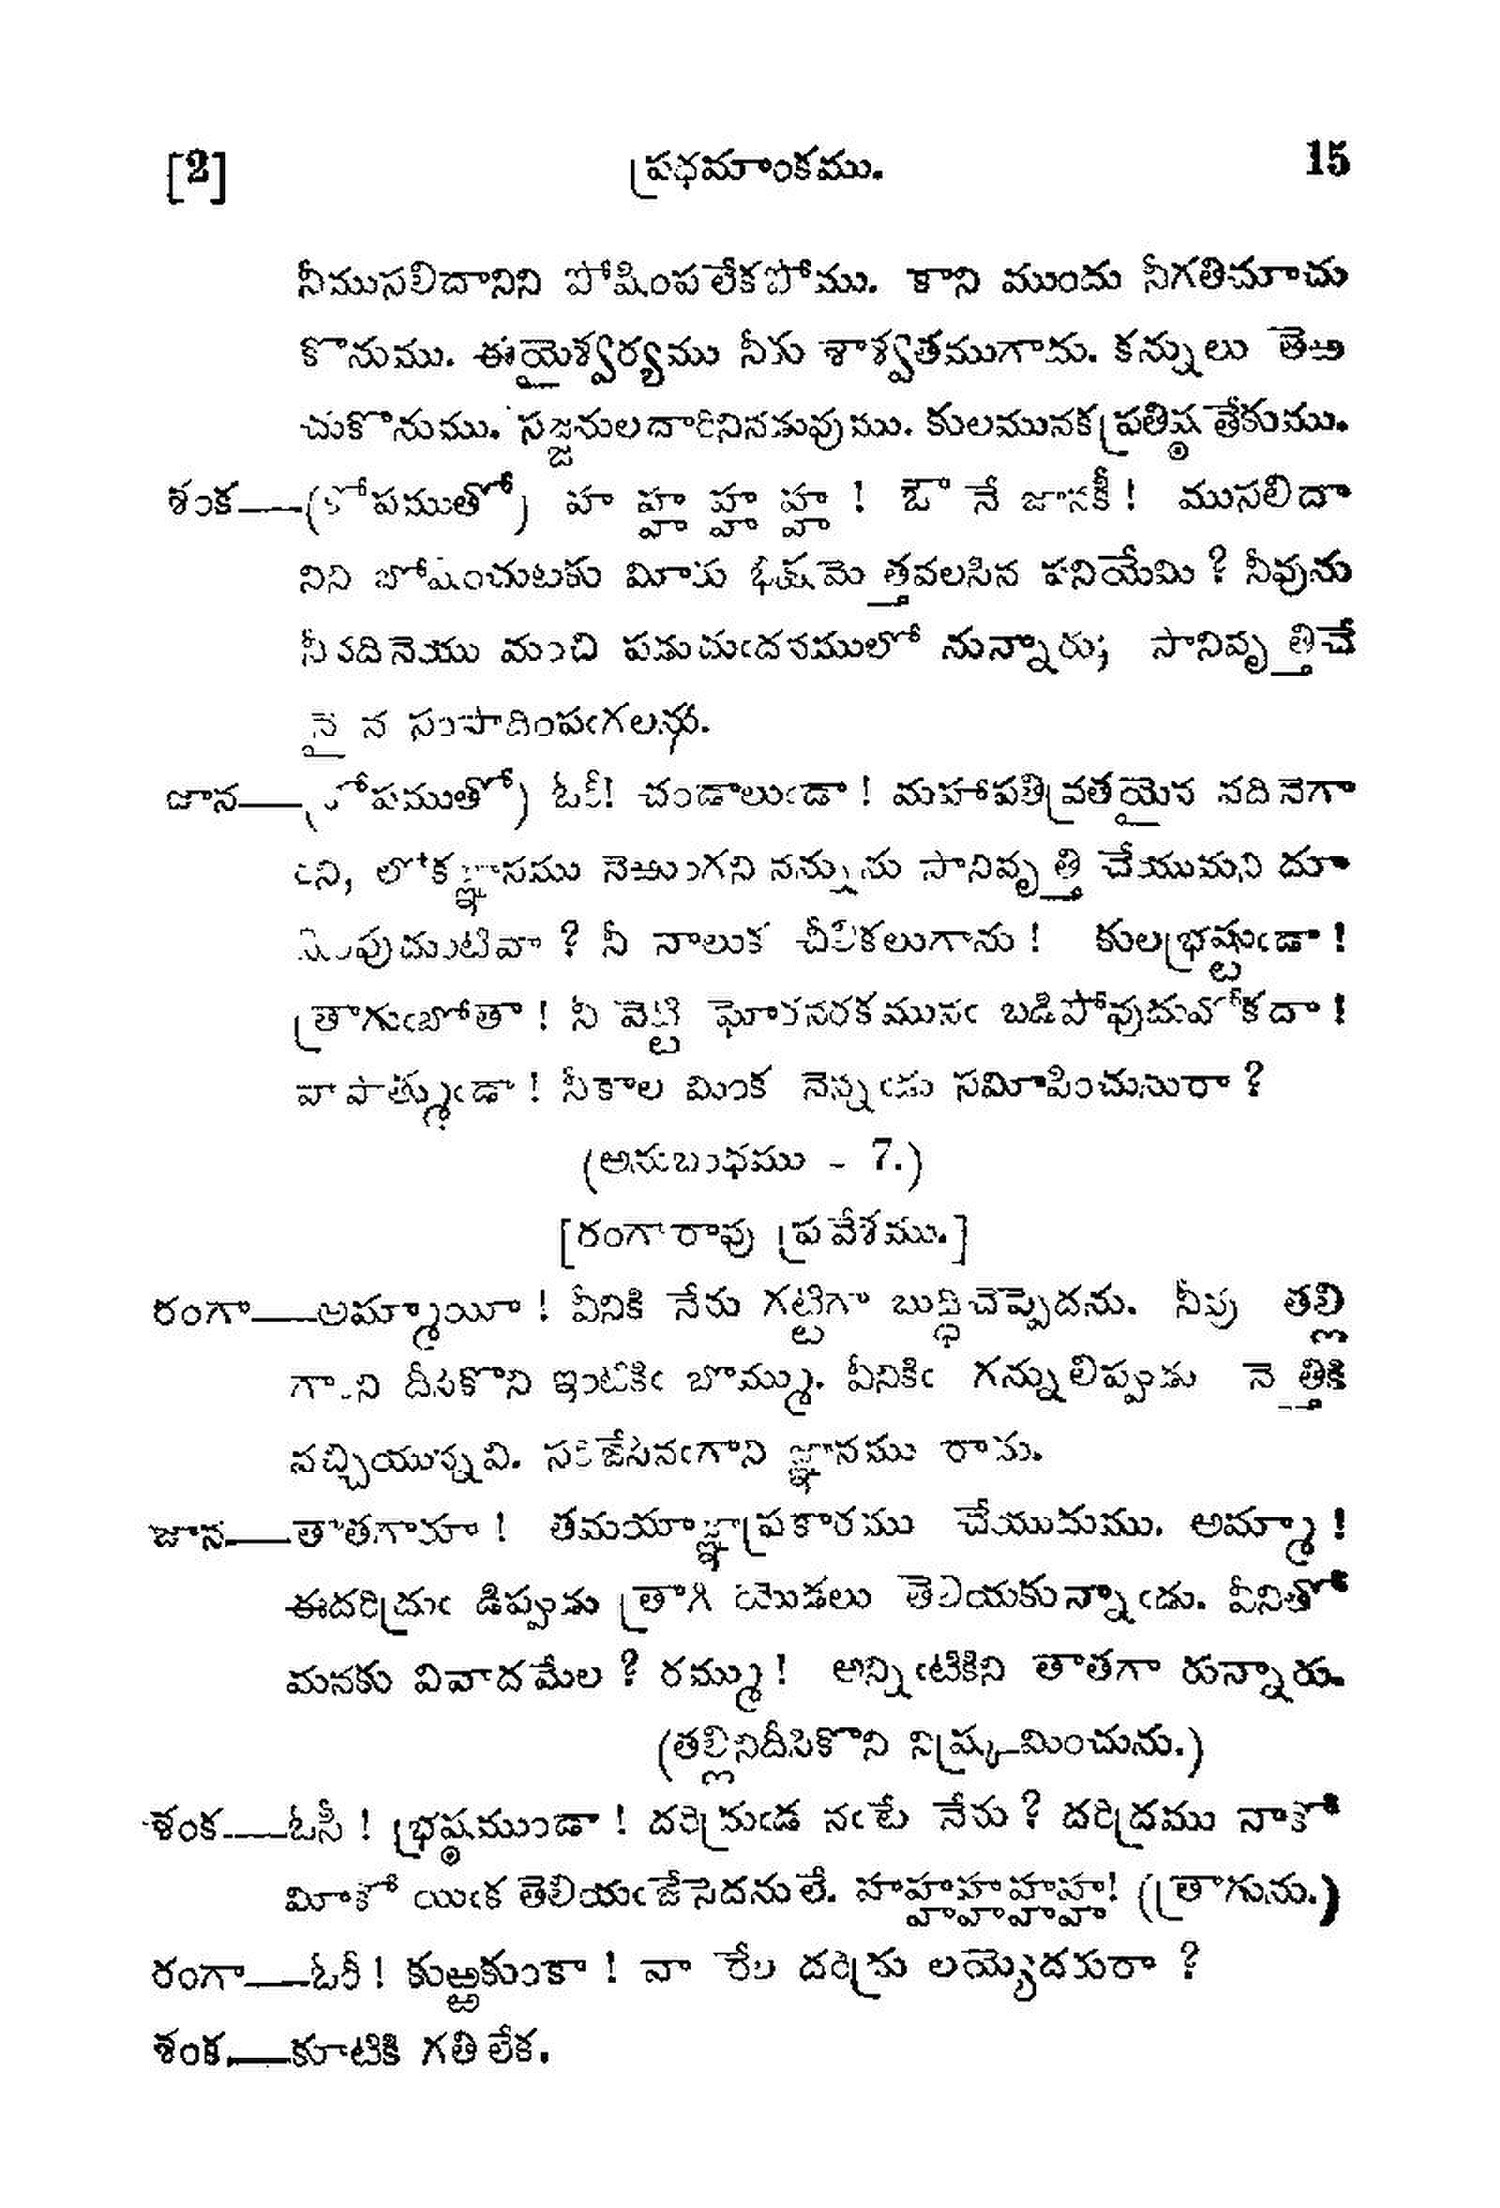నీముసలిదానిని పోషింపలేకపోము. కాని ముందు నీగతిచూచుకొనుము. ఈయైశ్వర్యము నీకు శాశ్వతముగాదు. కన్నులు తెఱచుకొనుము. సజ్జనులదారినినడువుము. కులమునకప్రతిష్ఠ తేకుము.

శంక -- కోపముతో, హహ్హహ్హహ్హ ! ఔ నే జానకీ ! ముసలిదానిని బోషించుటకు మీరు భిక్షమెత్తవలసిన పనియేమి ? నీవును నీవదినెయు మంచి పడుచుఁదనములో నున్నారు; సానివృత్తిచే నై న సంపాదింపఁగలరు.

జాన — (కోపముతో) ఓరీ! చండాలుఁడా ! మహాపతివ్రతయైన వదినెగారిని, లోకజ్ఞానము నెఱుంగని నన్నును సానివృత్తి చేయుమని దూషింపుచుంటివా ? నీ నాలుక చీలికలుగాను ! కులభ్రష్టుఁడా !
త్రాగుఁబోతా ! నీ వెట్టి ఘోరనరకమునఁ బడిపోవుదువోకదా ! పాపాత్ముఁడా ! ! నీకాల మింక నెన్నఁడు సమీపించునురా ?

రంగా - అమ్మాయీ ! వీనికి నేను గట్టిగా బుద్ధిచెప్పెదను. నీపు తల్లిగారిని దీసికొని ఇంటికిఁ బొమ్ము. వీనికిఁ గన్నులిప్పుడు నెత్తికి వచ్చియున్నవి. సరిజేసనఁగాని జ్ఞానము రాదు.

జాన — తాతగారూ ! తమయాజ్ఞప్రకారము చేయుదుము. అమ్మా! ఈదరిద్రుఁ డిప్పుడు త్రాగి యొడలు తెలియకున్నాఁడు. వీనితో మనకు వివాదమేల ? రమ్ము ! అన్నిఁటికిని తాతగా రున్నారు.

శంక - ఓసీ ! భ్రష్ఠముండా ! దరిద్రుఁడ నఁటే నేను ? దరిద్రము నాకో మీకో యిఁక తెలియఁజేసెదనులే. హహ్హహ్హహ్హహ్హ! (త్రాగును.)

రంగా - ఓరీ ! కుఱ్ఱకుంకా ! వా రేల దరిద్రు లయ్యెదరురా ?

శంక - కూటికి గతిలేక,